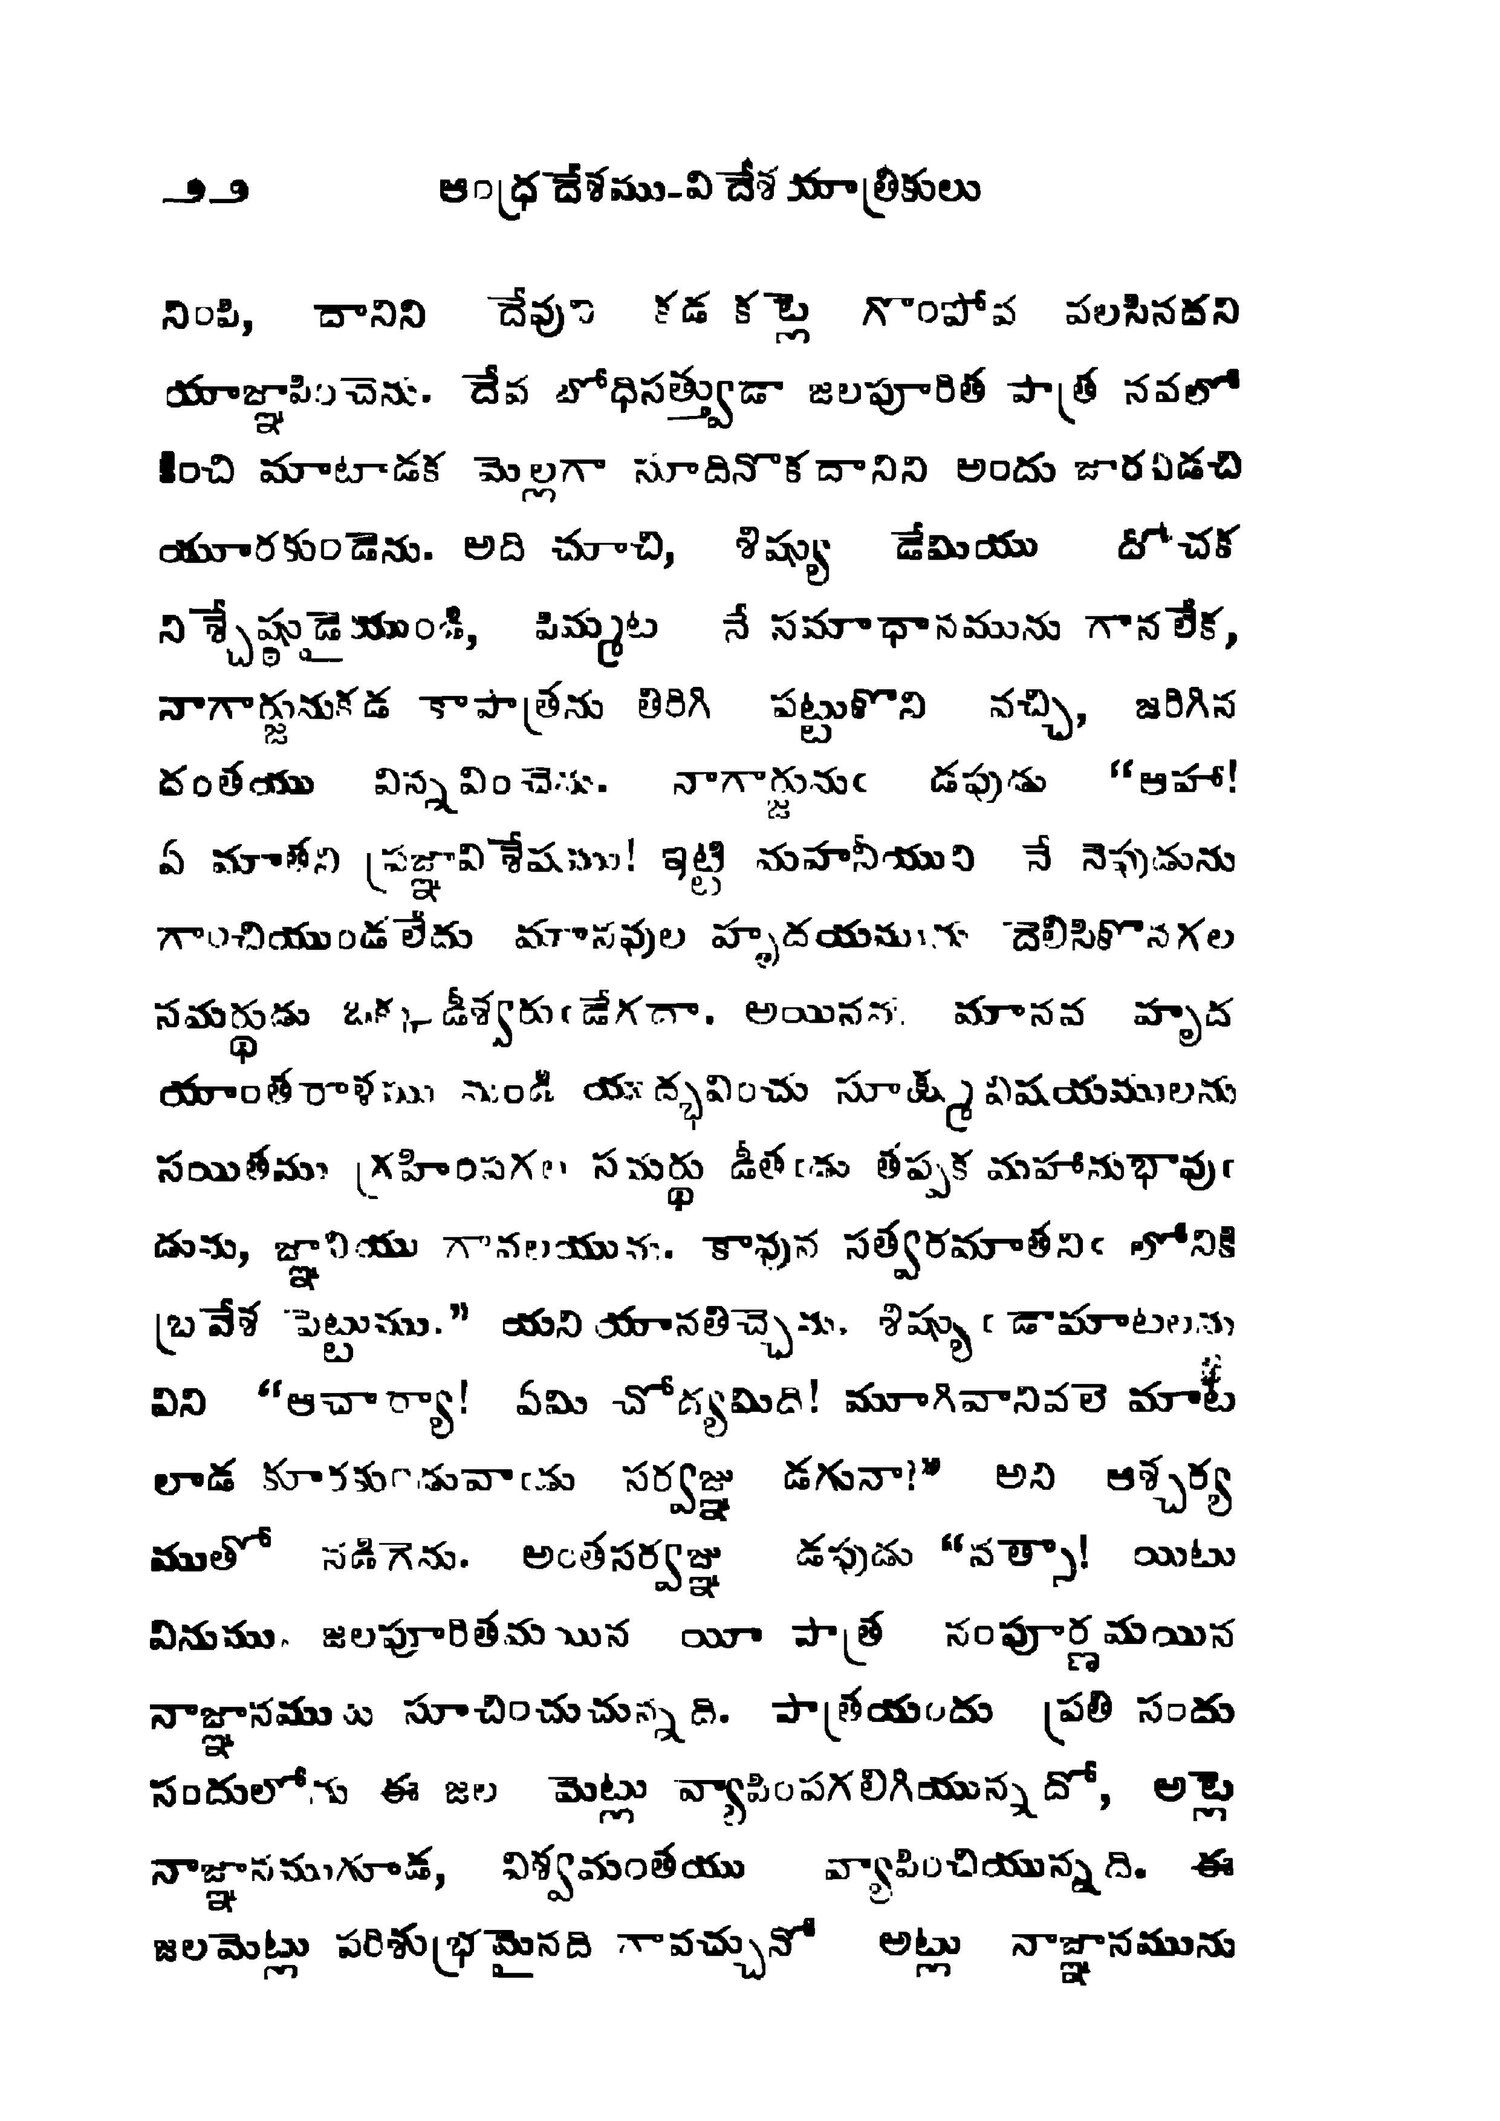నింపి దానిని దేవుని కడ కట్లె గొంపోవ వలసొనదని యాజ్ఞాపించెను. దేవబోధిసత్త్వుడా జలపూరిత పాత్ర నవలోకించి మాటాడక మెల్లగా సూదినొకదానిని అందు జారవిడచి యూరకుందెను. అదిచూచి, శిష్యుడేమియు దోచక నిశ్చేష్ఠుడైయుండి, పిమ్మట నే సమాధానమును గానలేక, నాగార్జునకడ కాపాత్రను తిరిగి పట్తుకొని వచ్చి, జరిగిన దంతయు విన్నవించెను. నాగార్జునుడపుడు "ఆహా! ఏమాతని ప్రజ్ఞావిశేషము! ఇట్టి మహనీయుని నేనెపుడును గాంచి యుండ లేదు. మానవుల హృదయమును దెలిసికొనగల సమర్ధుడు ఒక్కడీశ్వరుడేగదా. అయినను మానవ హృదయాంతరాళము నుండి యుద్భవించు సూక్ష్మవిషయములను సయితము గ్రహింపగల సమర్ధుడీతడు తప్పక మాహానుభావుడ తడును, జ్ఞానియు గావలయును. కావున సత్వరమాతనిని లోనికి బ్రవేశ పెట్టుము" యని యానతి నిచ్చెను. శిష్యుడామాటలను విని "ఆచార్యా! ఏమిచోద్యమిది! మూగివానివలె మాటలాడ కూరకుండువాడు సర్వజ్ఞుడగునా!" అని ఆశ్చర్యముతో నడిగెను. అంత సర్వజ్ఞు డపుడు"వత్యా! యిటు వినుము. జలపూరితమయిన యీ పాత్రయందు సంపూర్ణమయిన నాజ్ఞానమును సూచించు చున్నది. యీపాత్రయందు ప్రతిసందు సందులో ఈ జలమెట్లు వ్యాపింపగలిగి యున్నదో, అట్లే నాజ్ఞానముగూడ, విశ్వమం తయు వ్యాపించి యున్నది. ఈ జలమెట్లు పరిశుభ్రమైనదిగా వచ్చునో అట్లు నాజ్ఞానమును